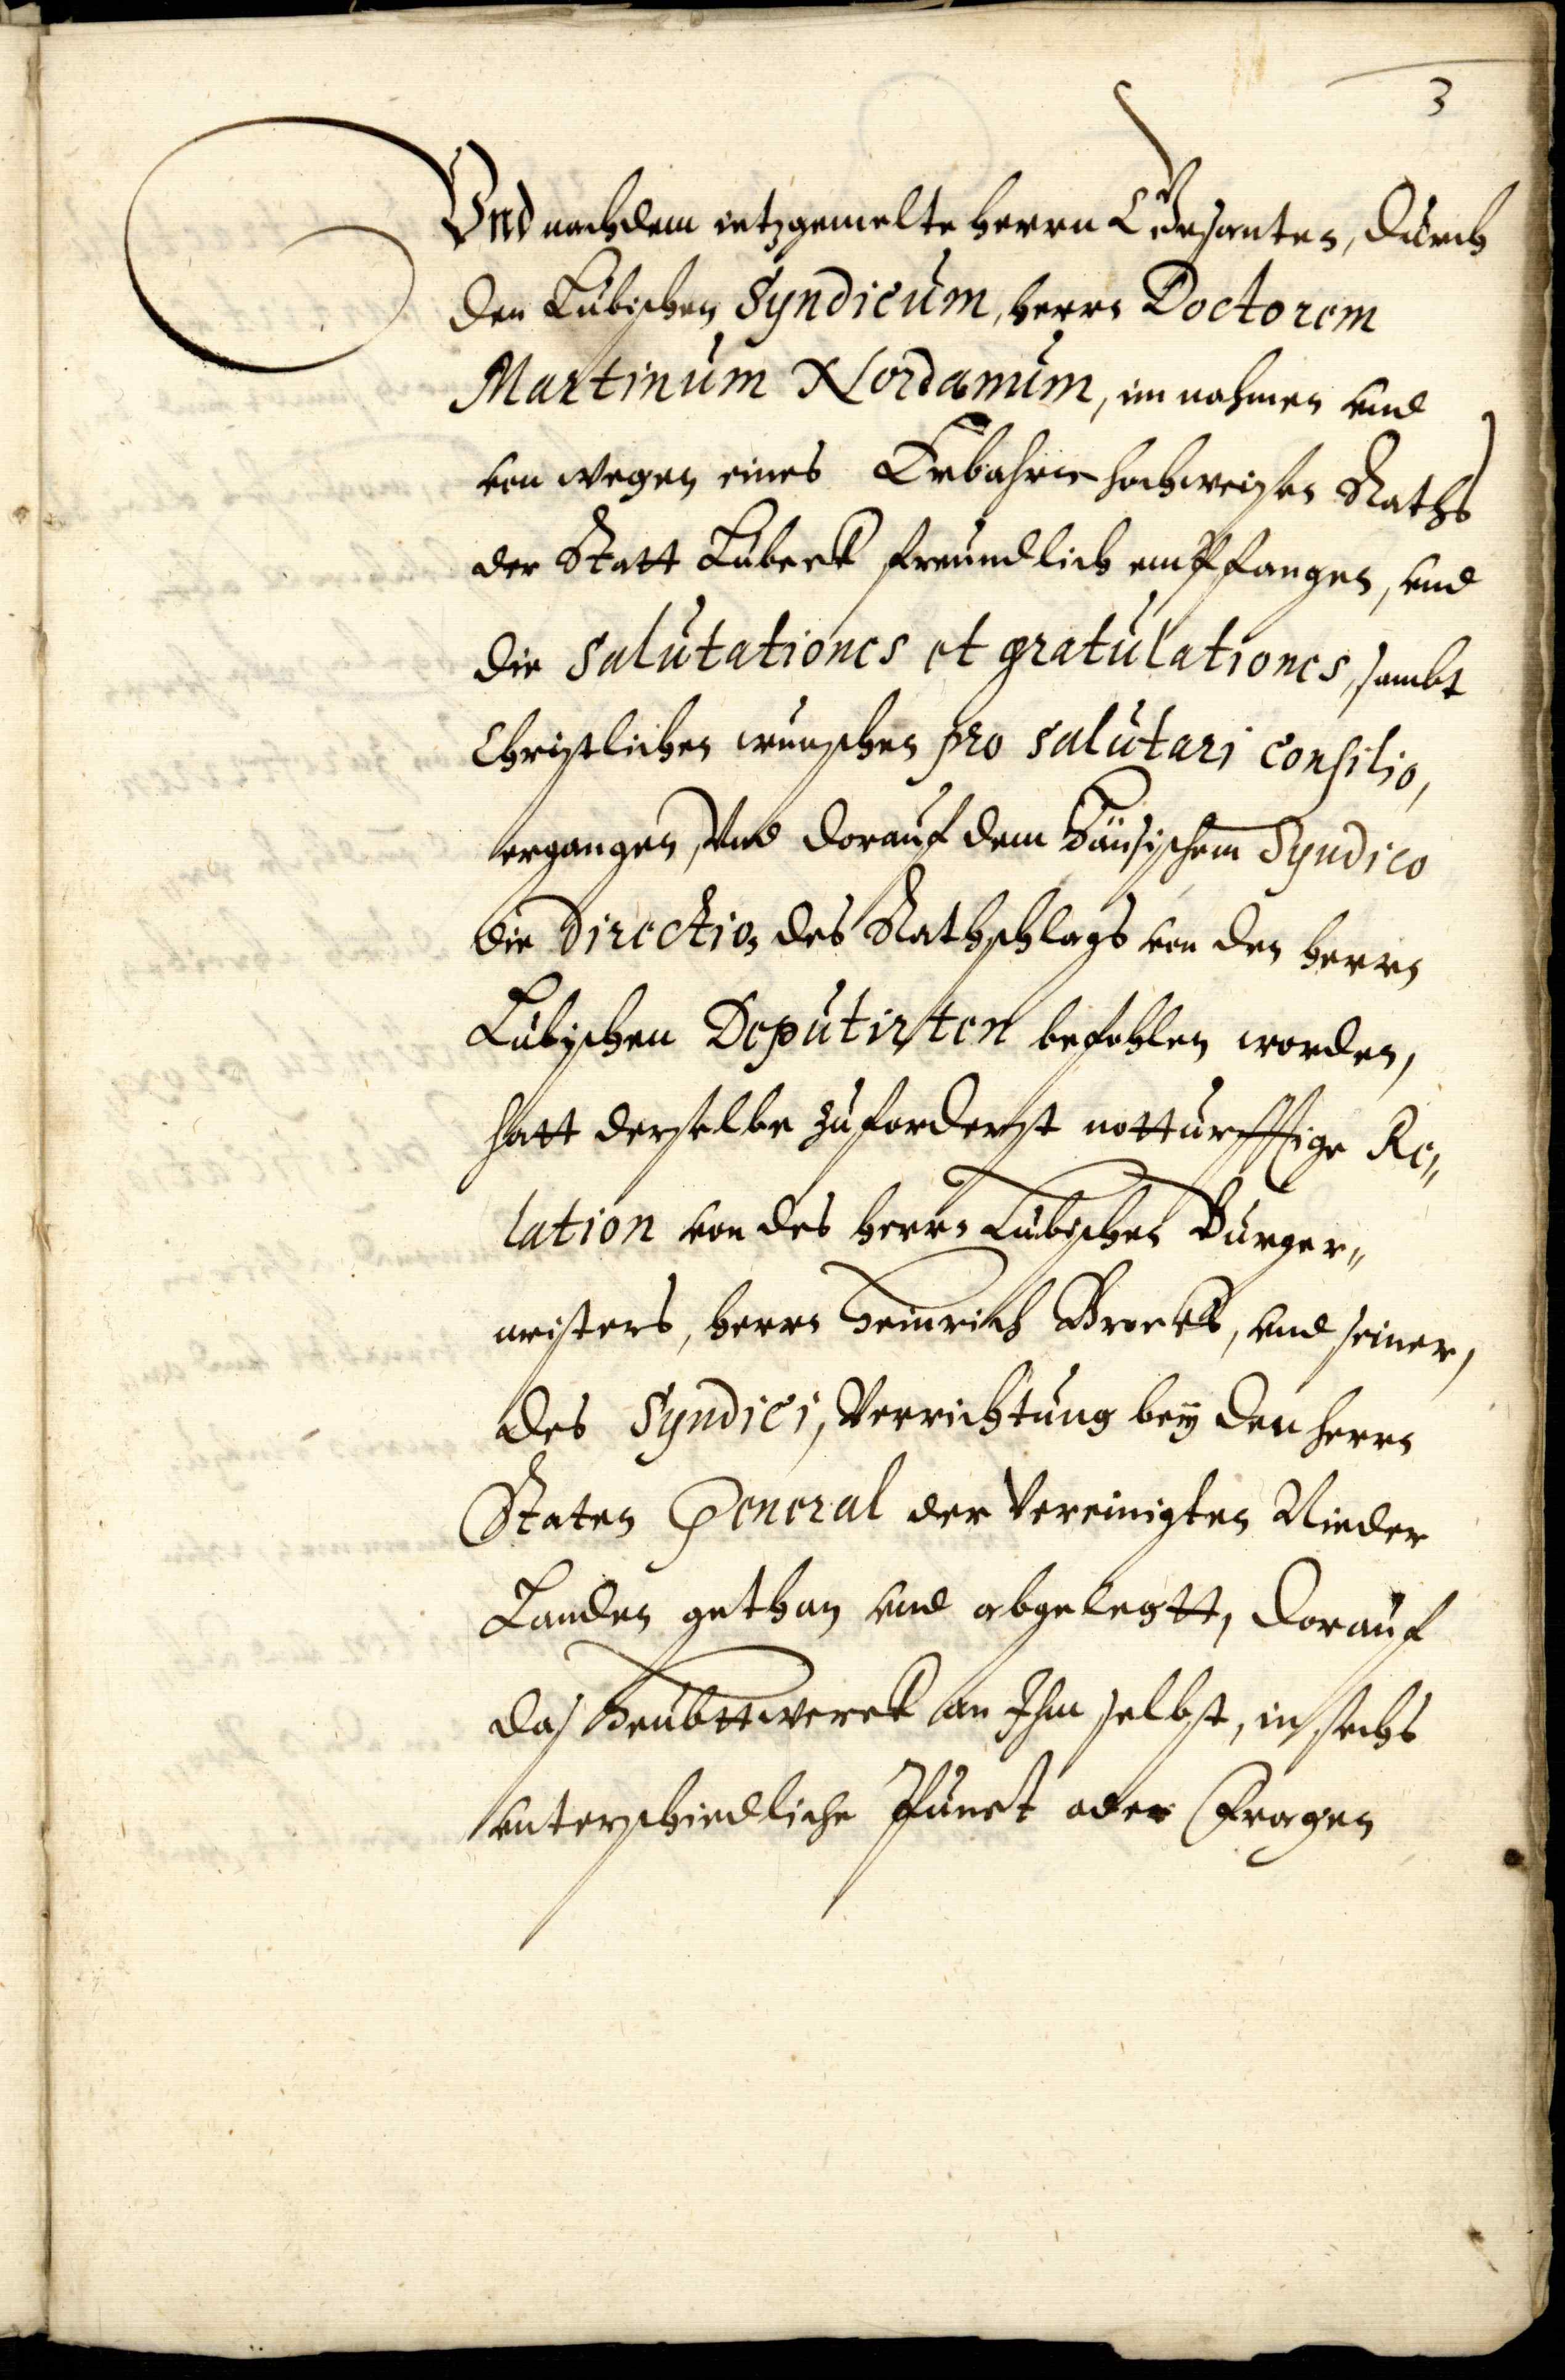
3
Vnd nachdem ietzgemelte herrn Gesanten, durch
den Lubischen Syndicum, herrn Doctorem
Martinum Nordanum, im nahmen vnd
von wegen eines Erbahren hochweisen Raths
der Statt Lubeck freundlich empfangen, vnd
die salutationes et gratulationes, sambt
Christlichen wunschen pro salutari consilio,
ergangen, Vnd dorauf dem Hänsischem Syndico
die Direction des Rathschlags von den herrn
Lubischen Deputirten befohlen worden,
hatt derselbe zuforderst notturfftige Re¬
lation von des herrn Lubschen Burger¬
meisters, Herrn Heinrich Brocks, vnd seiner,
des Syndici, Verrichtung beij den herrn
Staten General der Vereinigten Nieder¬
Landen gethan vnd abgelegtt, Dorauf
das Heubttwerck an Ihm selbst, in sechs
vnterschiedliche Punct oder Fragen,
